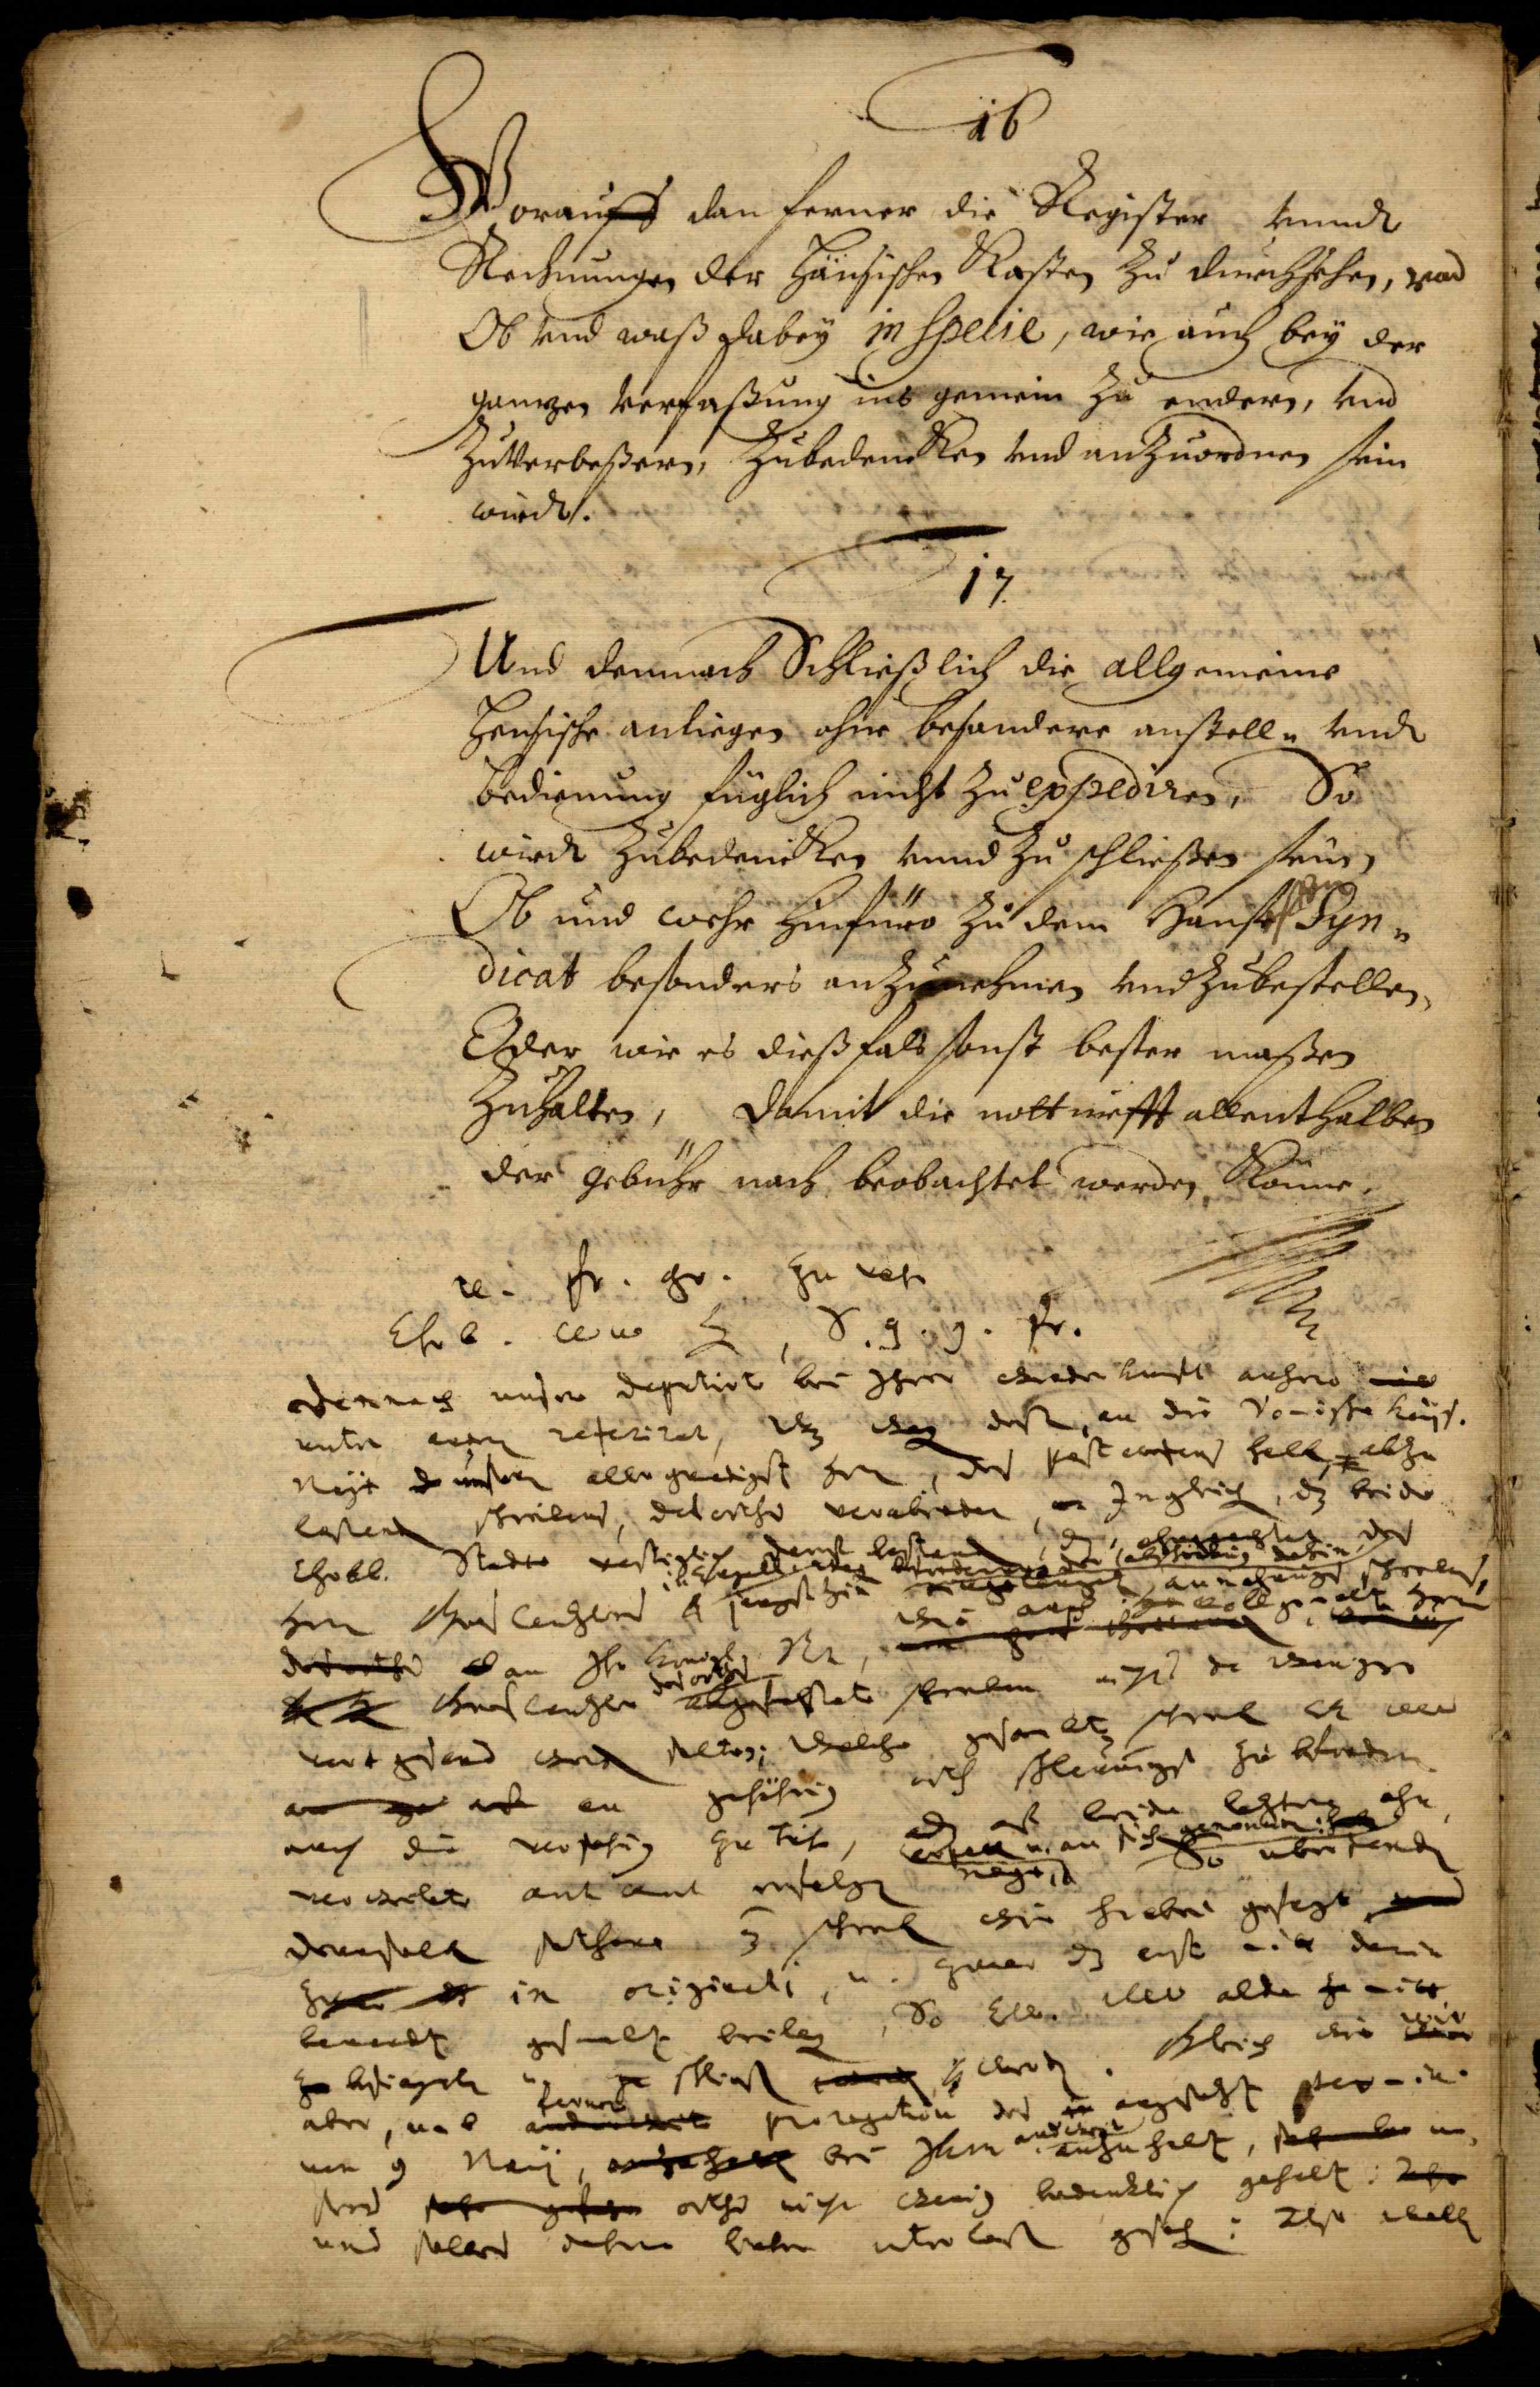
16
Worauff dan ferner die Register vnndt
Rechnungen der Hänsischen Kosten zu durchsehen, vnd
Ob vnd waß dabeij in Specie, wie auch beij der
gantzen verfaßung ins gemein zu endern, vnd
zuverbeßern, zubedencken vnd anzuordnen sein
wirdt.
17.
Vnd demnach Schließlich die allgemeine
Hensische anliegen ohne besondere anstell- vndt
bedienung füglich nicht zu expediren, So
wirdt zubedencken vnnd zu schließen sein,
Ob und wehr hinfüro zu dem Hansischen Syn¬
dicat besonders anzunehmen vndzubestellen,
Oder wie es dießfals sonst bester maßen
zuhalten, damit die notturfft allenthalben
der gebühr nach beobachtet werden könne.
recht freundlicher gruß zu vor
Ehrb. ww H., S. g. g. fr.
demnach unser deputirte bei Ihrer weder kunft anhero
unter davon referiret, daß wegen deßen an die Romische Kaijs.
Maijt die unseren aller gnedigst Hern, der rest unseres halber, abzu
lesenden schreibens ,des orths verabreden, wie In gleichen,daß bei den
Ehrbl. Stadte restiglich denst lastenden, daß, ohngeachtet des
hern Groß Canzlers in siegell, wegen negst hin befurderung der abschickung dahin angelangeten an nehmiges Schreibens
Retherthen an Ihre konigl Mt, wie auch H wollgemelten herrn
G G Groß Canzler des orths abgefaßete schreiben nichts so weniger
vort gesend werden solten;welche gesambte schreiben etc ww
an egen ock an gehörigen orth schleunigst zu befordern
auch die verspätung zu teilen, daß eß beide lezten ohn
erhalten u. an sich genommen: haben
verweilete antwort erfolgen möge, So ubersenden
demselben sothane 3 schreiben wie hiebei gefügt vnnd
zwar das in originali, u. zwar daß erste mitt denen
bemelten gesambten beilagen, So Ehrb ww alda zu mitt
zu besiegeln u. schließen comen werden. Gleich wie die wir
aber, mal anderweit ferner prorogation des in angesezten termin
am 9 Maij, angesetztet bei Ihm anderweit anzuhalten, sehende in
des angesetzeten orths nicht wenig bedenklich gehalten: also
vnd sollen daher lieber unterlaßen gesehen: also wollen
